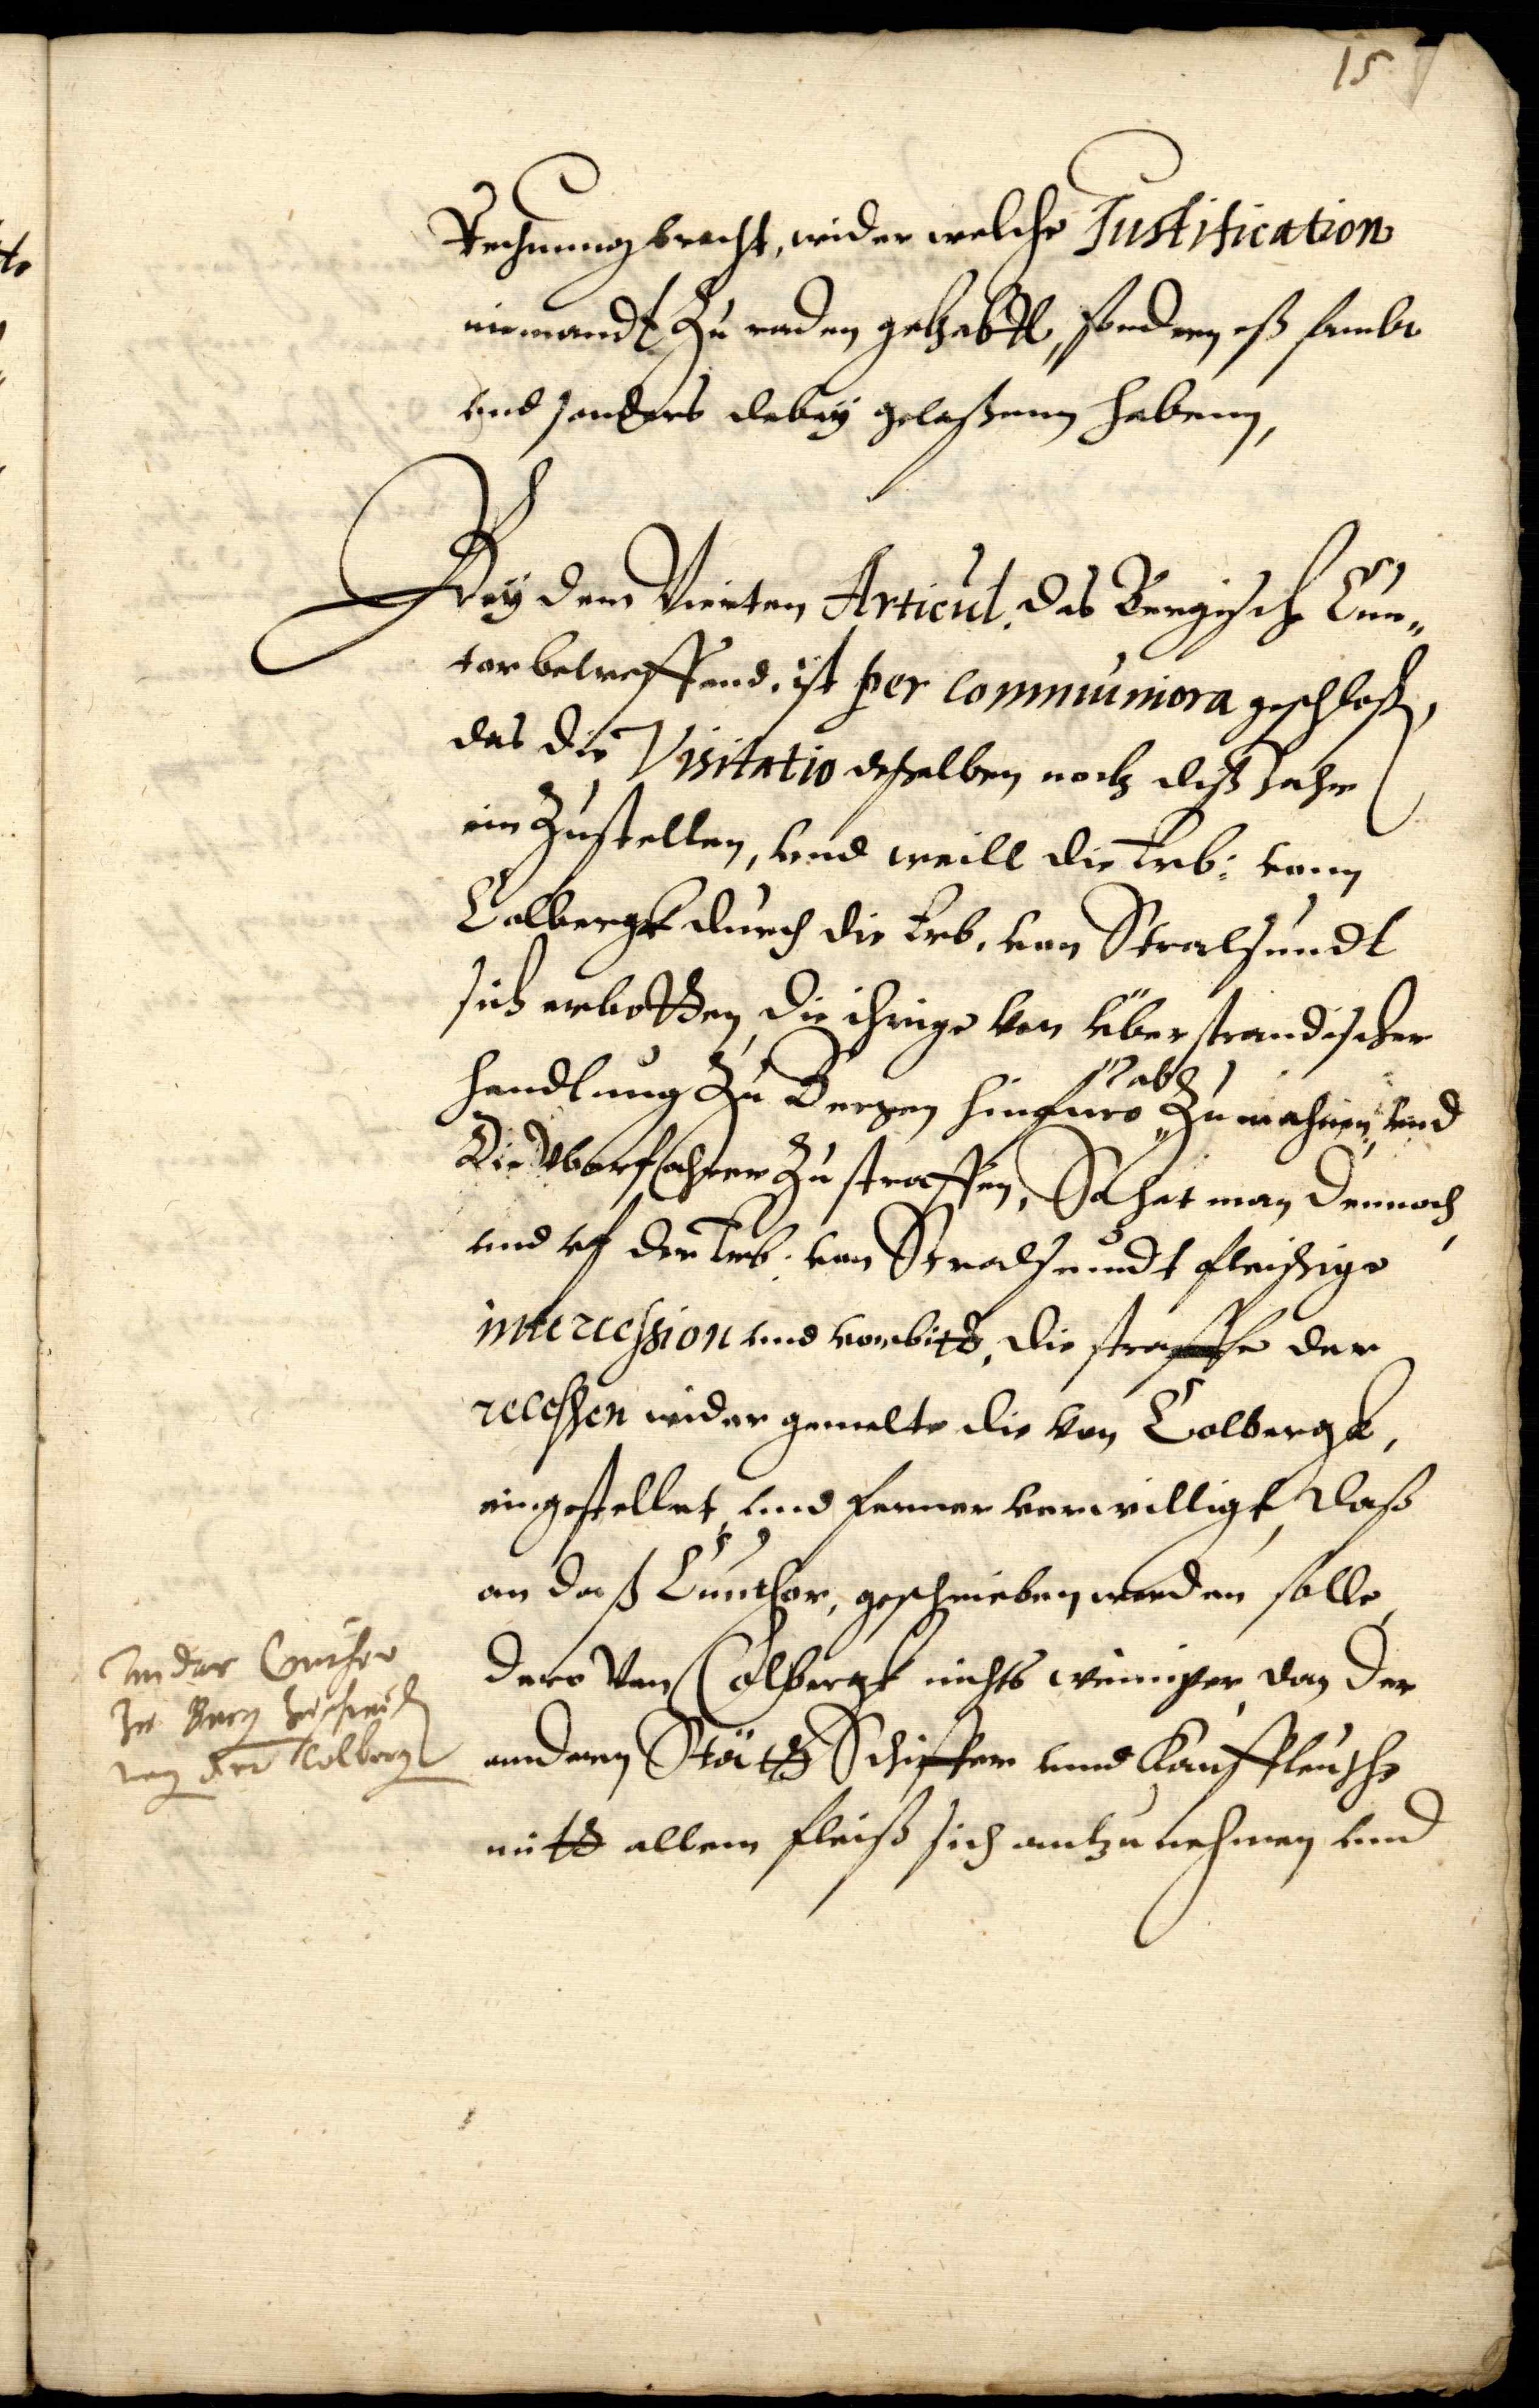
15
Rechnung bracht, wider welche Justification
niemandt zu reden gehabtt, sondern eß sambt
vnd sonders dabeij gelaßenn habenn,
Beij dem Vierten Articul, das Bergsche Cun¬
tor betreffend, ist per communiora geschloßen,
das die Visitatio deßelben noch diß Jahr
einzustellen, vnd weill die Erb: vonn
Colbergk durch die Erb. von Stralsundt
sich erbotten, die ihrige von vberstrandischer
handlung zu Bergen hinfuro abzu mahnen, vnd
Die Vberfahrer zu straffen, So hat man Dennoch,
vnd vf der Erb. von Stralsundt fleißige
intercession vnd vorbitt, die straffe der
recessen wider gemelte die von Colbergk,
eingestellet vnd ferner vorwilligt, daß
an daß Cunthor, geschrieben werden solle,
dero von Colbergk nichts weiniger, dan der
andern Stätt Schiffen vnnd Kauffleuthe
mith allem fleiß sich antzunehmen vnd
An das Conthor
zu Bergen zuschreiben
wegen der Colbergen
